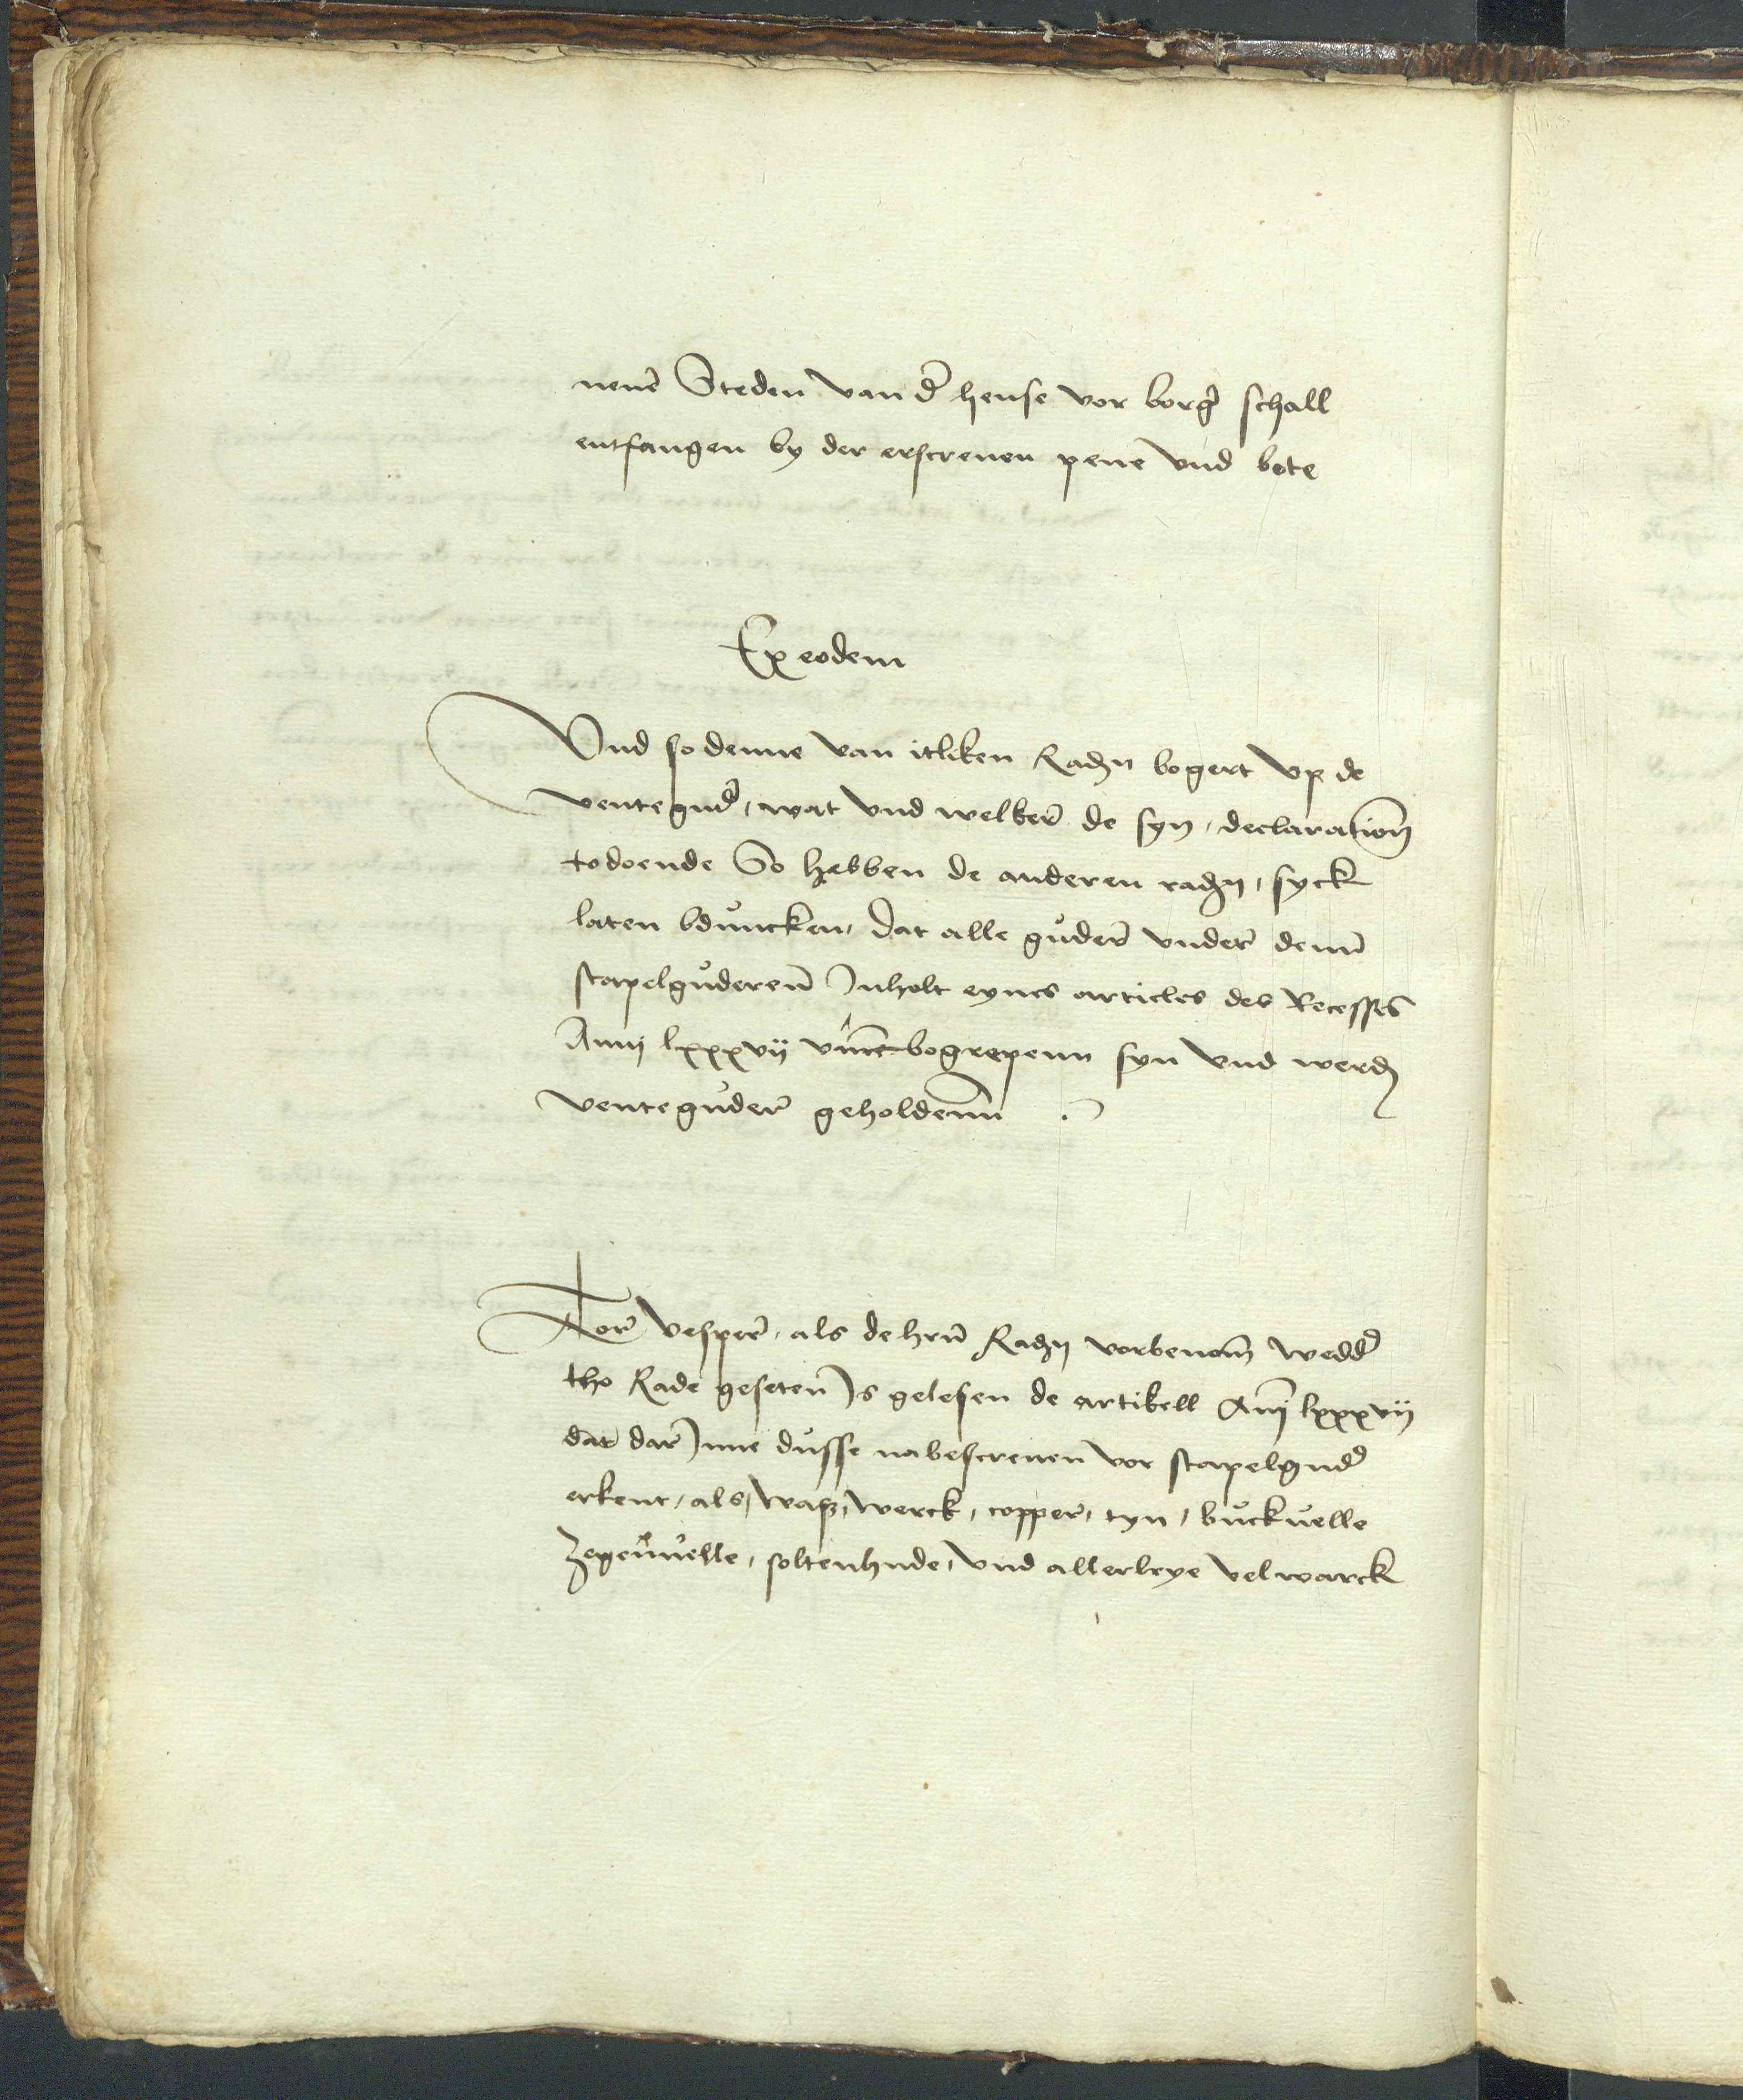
neue Steden van der hense vor borger schall
entfangen by der erscreuen pene vnd bote
Ex eodem
Vnd so denne van itliken Radessendebaden bogert vp de
venteguder, wat vnd welker de syn, declaration
to doende So hebben de anderen radessendebaden syck
laten bduncken, dat alle guder vnder denn
stapelguderen Jnhalt eynes articles des Recesses
Annj lxxxvij vmme bogrepenn syn vnd werden
venteguder geholdenn
Tor vesper, als de hern Radessendebaden vorbenomed wedder
tho Rade geseten Js gelesen de artikell Annj lxxxvij
dat dar Jnne dusse nabescreuenen vor stapelguder
erkent, als, wasz, werck, copper, tyn, buckuelle
Zegenuelle, soltenhude, vnd allerleye velwarck
